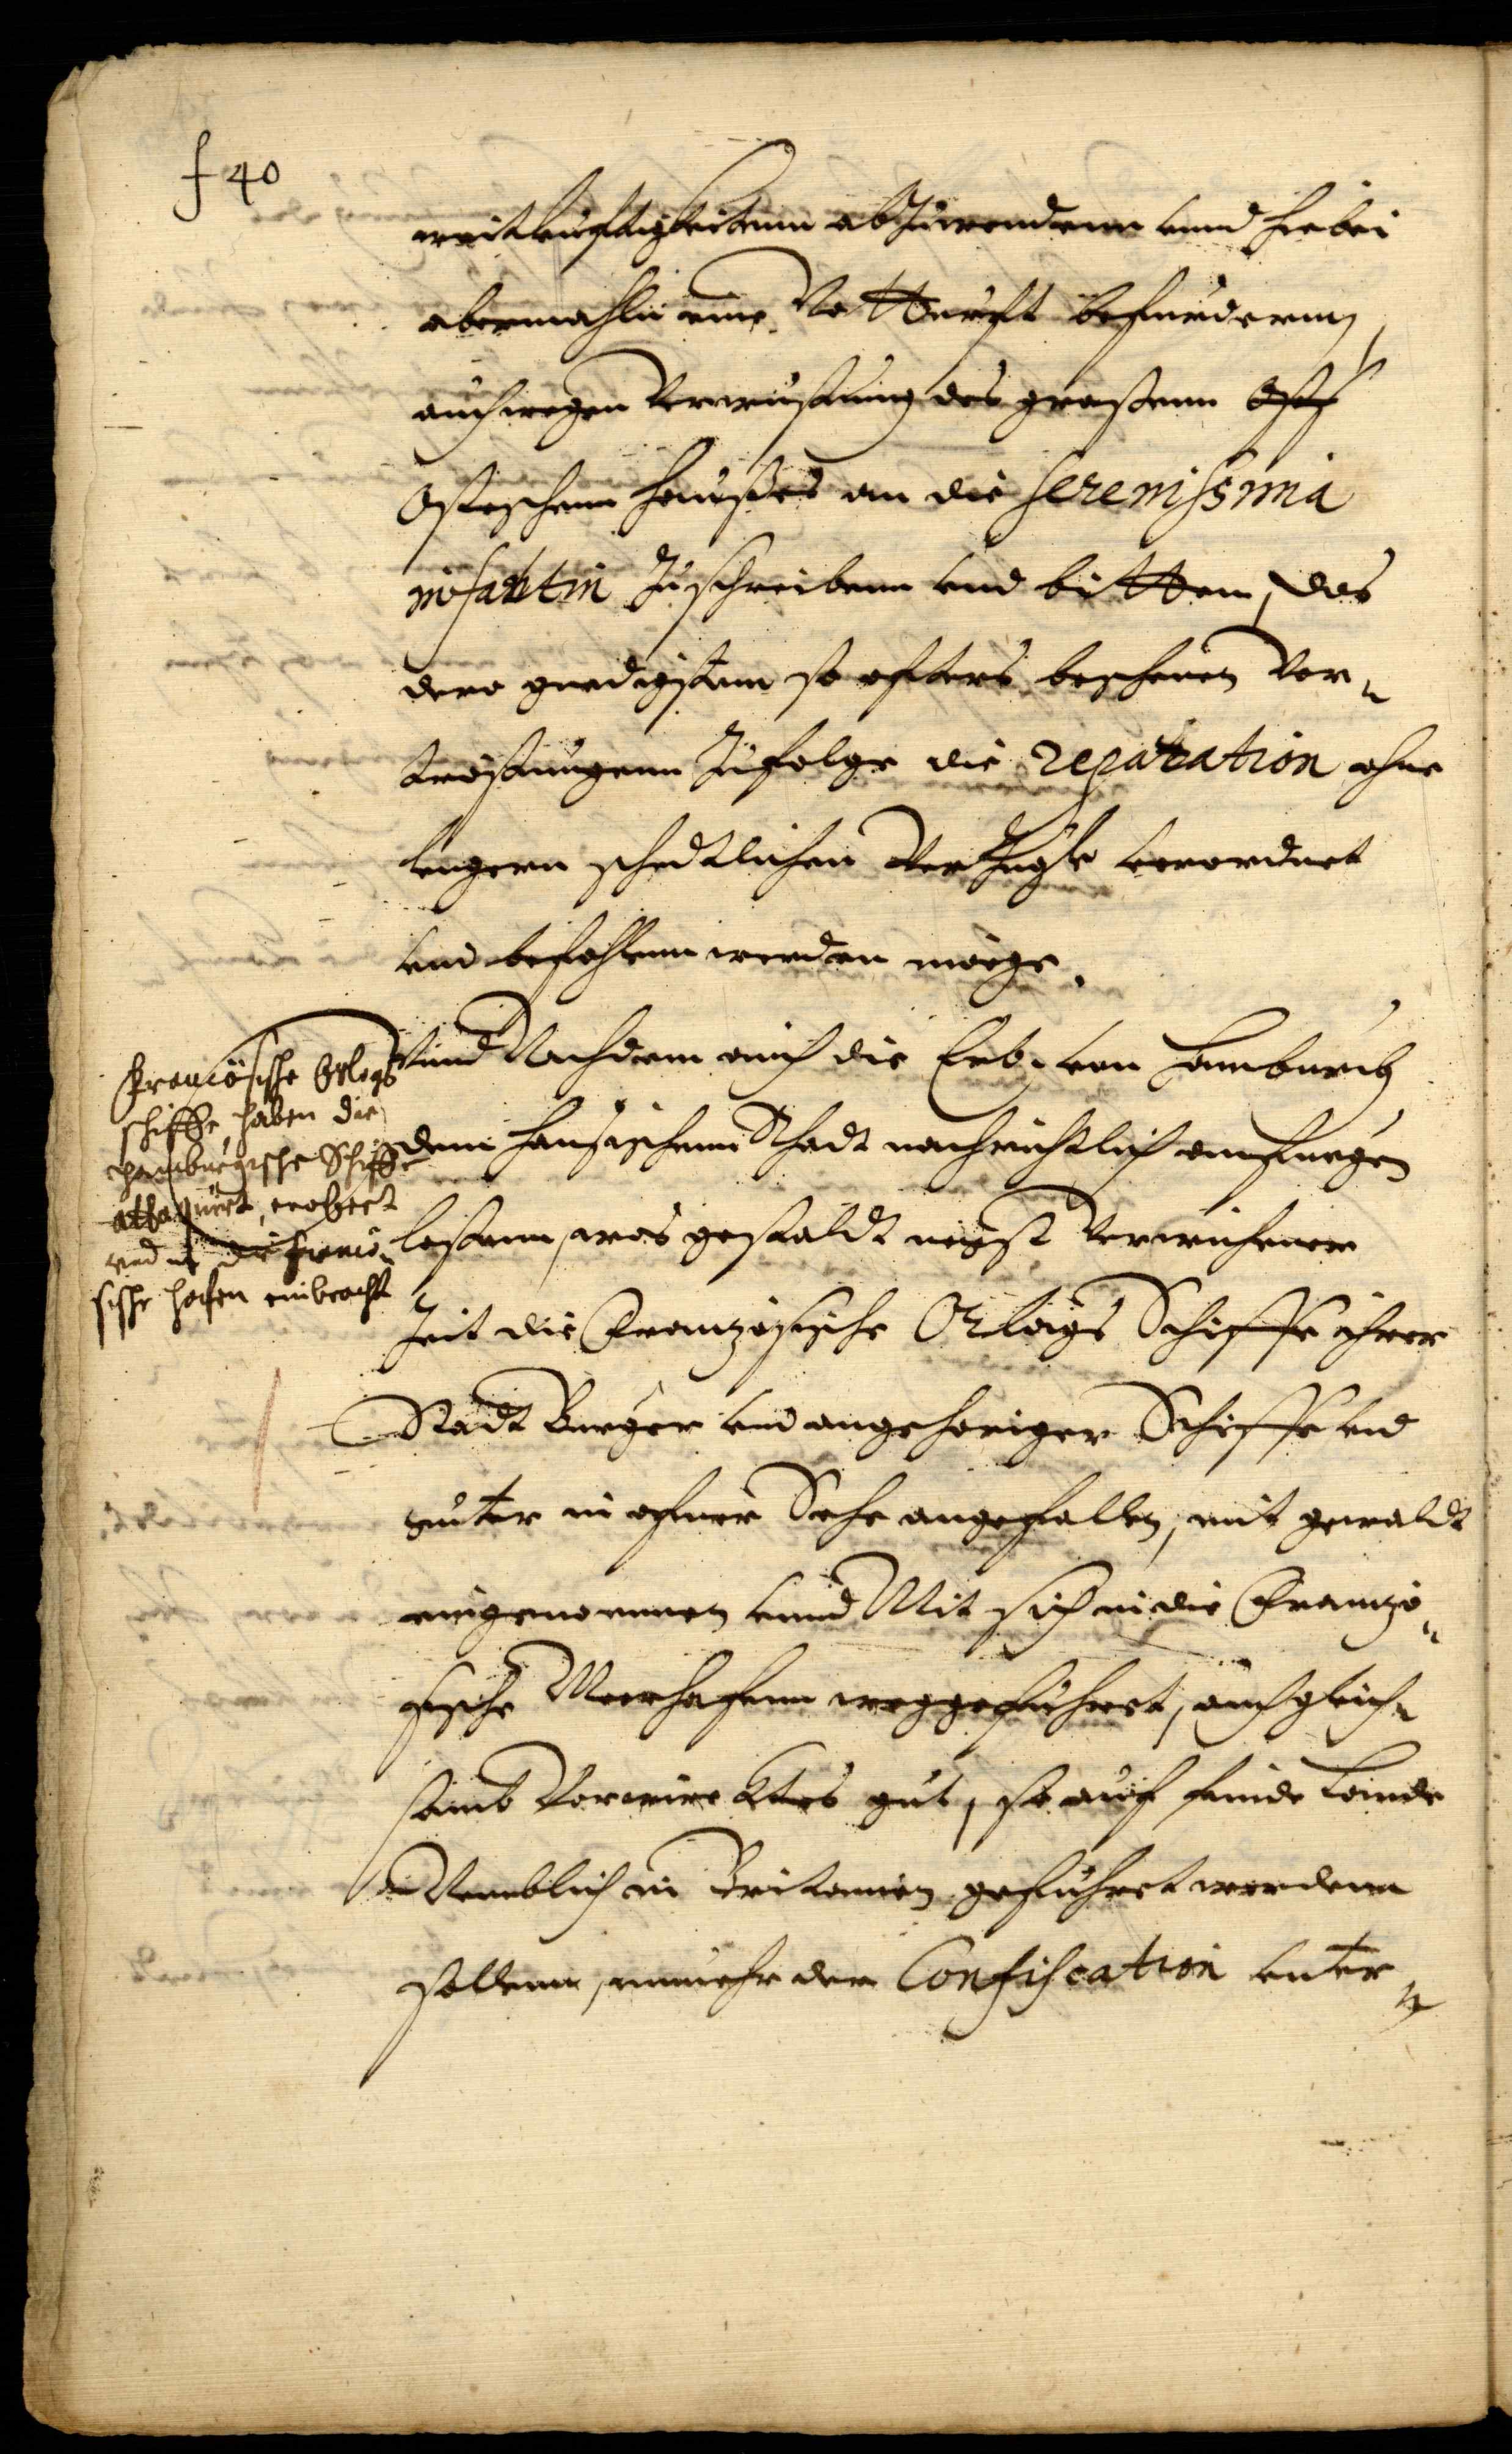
f 40
weitlauftigkeitenn abzuwendenn vnnd hiebei
abermahln eine Notturft befurdernn
auch wegen Verwustung des großenn Off
Osteschenn haußes an die serenissima
infantin zu schreibenn vnd bitten, das
dero gnedigstem so ofters beschenen Vor¬
tröstungenn zufolge die reparation ohne
vngern schedtlichen Verzugk verordnet
vnd befohlenn werden moege.
Francöschhe Orlogs
schiffe, haben die
hamburgsche Schiffe
attaquirt, erobert
vnd uf die francö¬
sishe hafen einbracht
Vnnd Nachdem auch die Erb. von Hamburch
dem hansischenn Rhadt nachrichtlich anfuegen
laßenn, was gestaldt negst verwichener
Zeit die Französiche Orlogs Schiffe ihrer
Stadt Burger und angehoriger Schiffe und
guter in ofner Sehe angefallen, mit gewaldt
eingenommen vnnd Mit sich in die Frantzö¬
sische Meerhafenn weggefuhret, auch gleich¬
samb Vorwircktes gut, so auf feinde Lande
Nemblich in Britannien gefuhret werdenn
sollenn, nunmehr der Confiscation vnter¬
